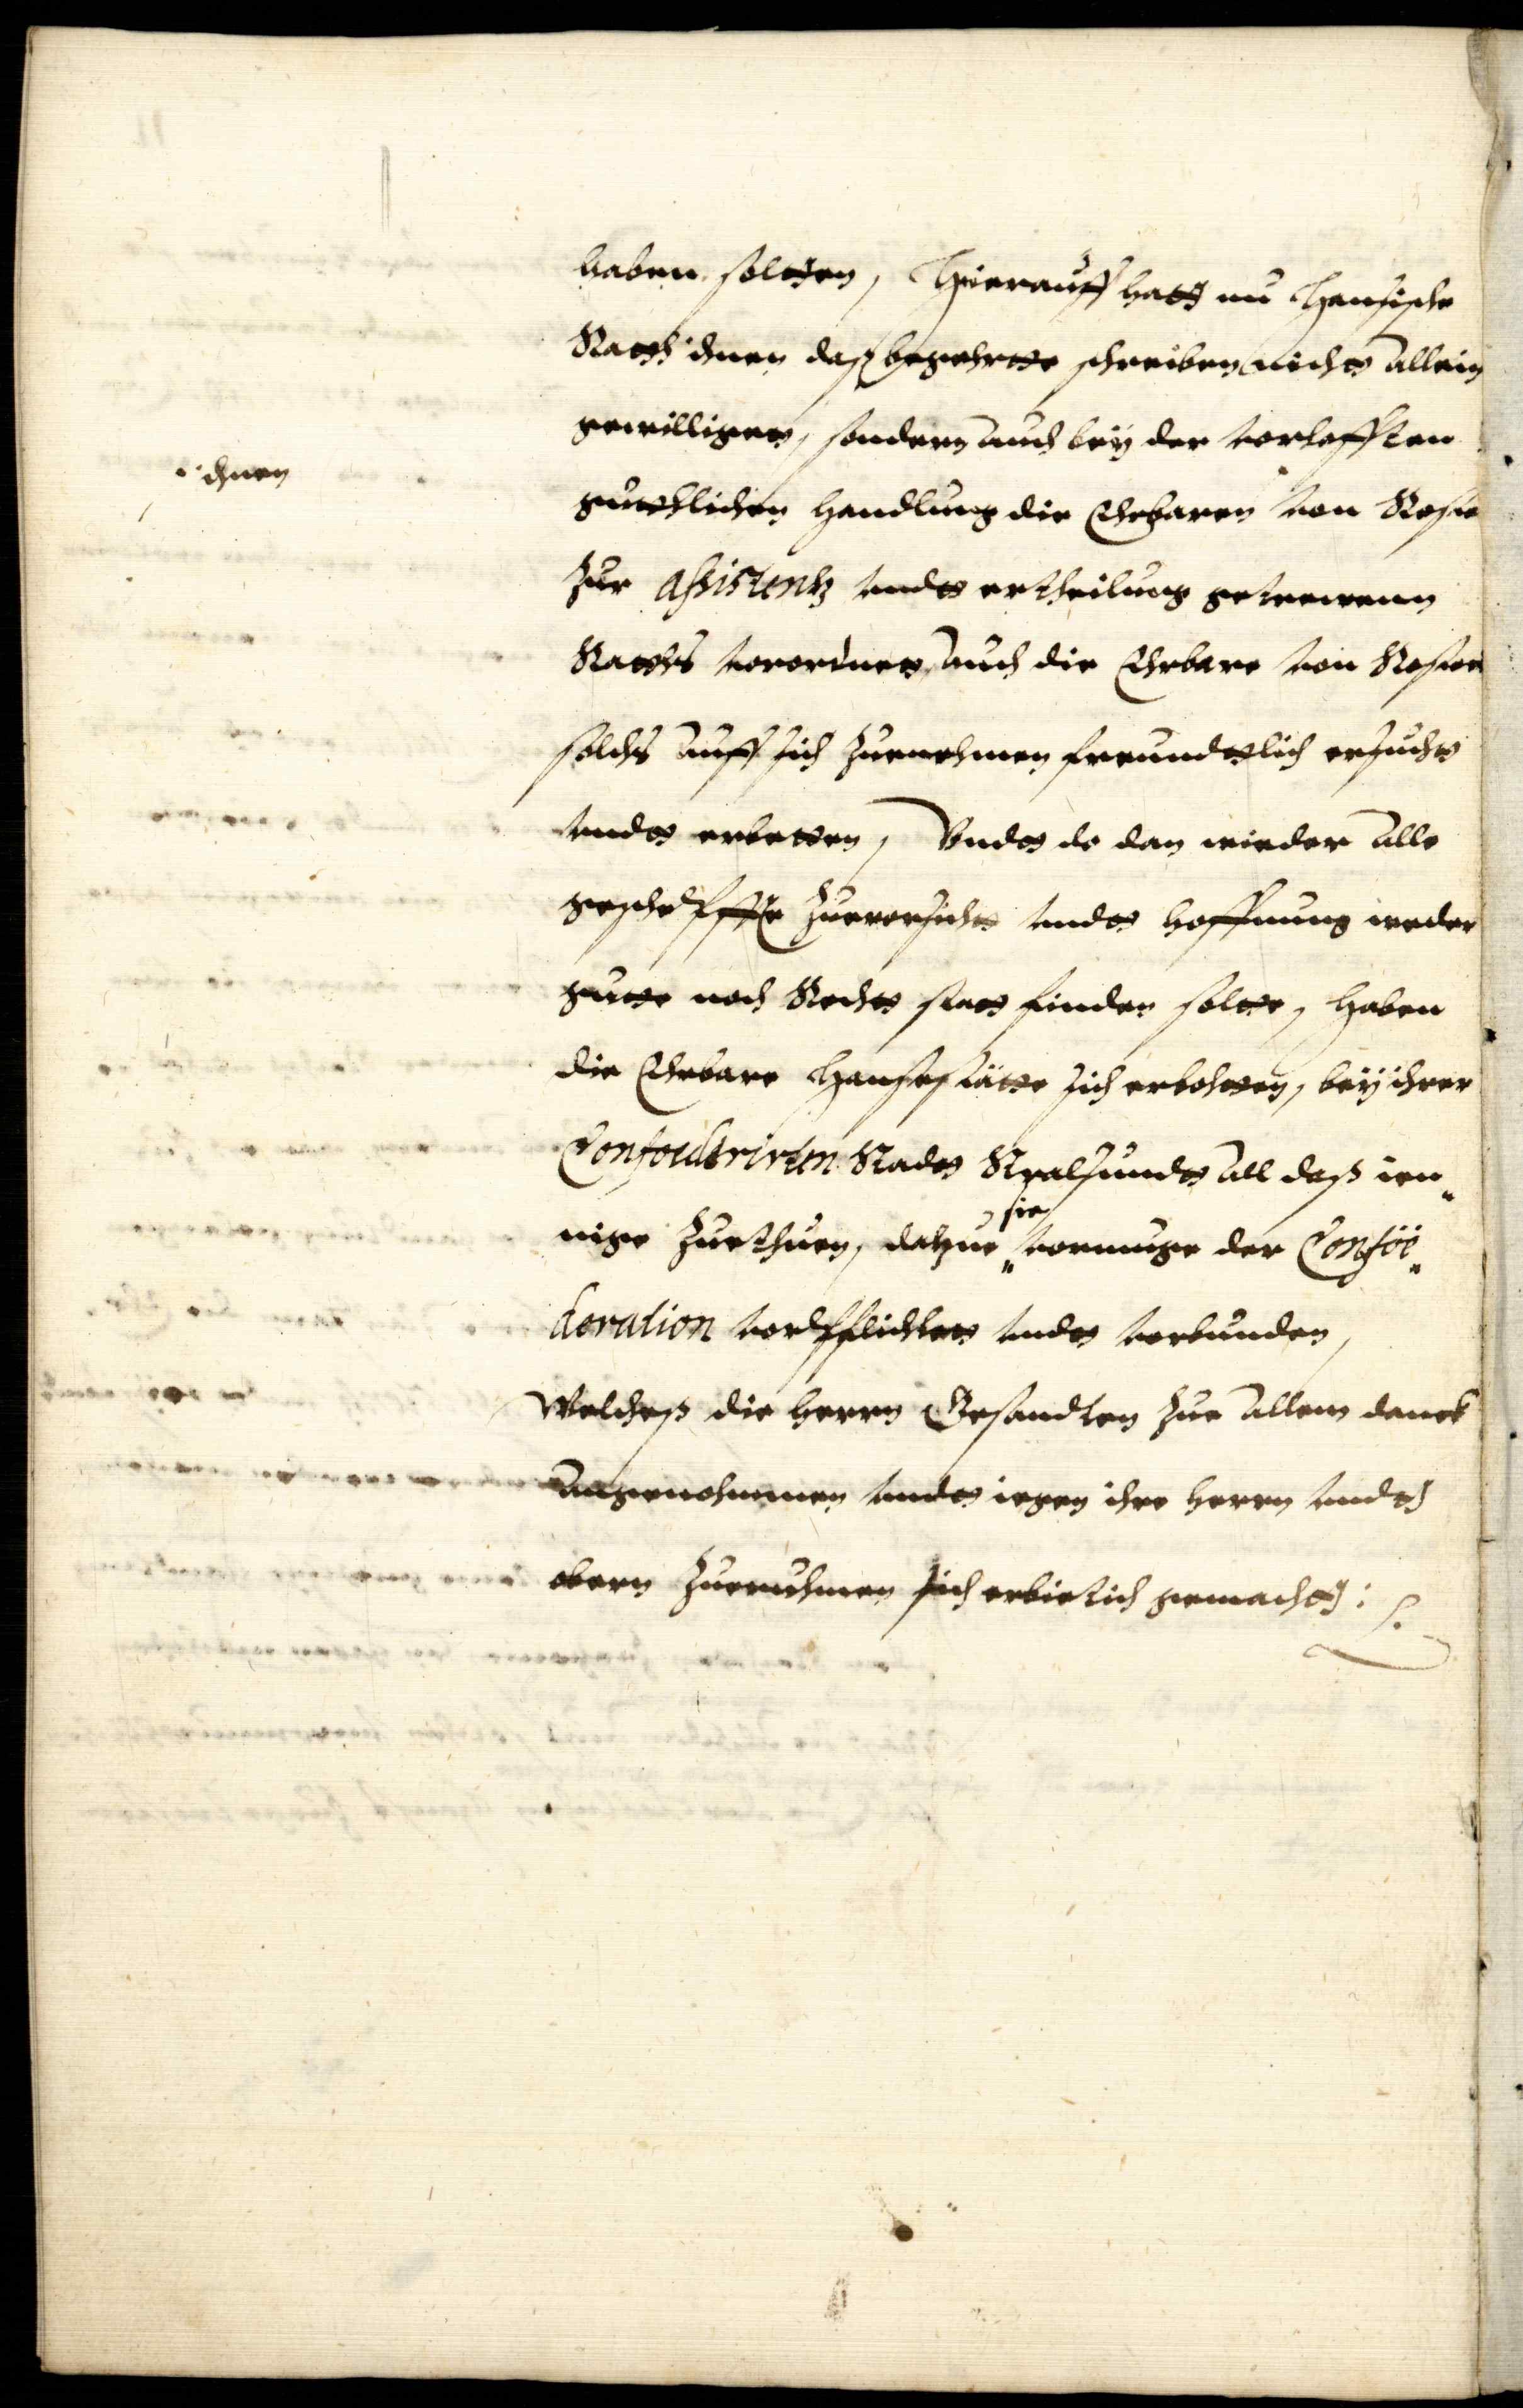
* ihnen
haben soltten, hierauff hatt nu hansische
Ratth ihnen daß begehrtte schreiben nichtt allein
gewilligett, sondern Auch beij der verhofften
guttlichen Handlung die Ehrbaren * von Rosto
zur assistentz vndtt ertheilung getrewenn
Ratths vorordnett, Auch die Ehrbare von Rostoc
solches auff sich zuenehmen freundttlich ersuchtt
vndtt erbetten, Vndtt do dan wieder alle
geschepffte zuevorsichtt vndtt hoffnung weder
gutte noch Rechtt statt finden soltte, haben
die Ehrbare Hansestätte sich erbohtten, beij ihrer
Confoederirten Stadtt Stralsundtt All daß ien¬
nige zuethun, datzue sie vormugen der Conföe¬
deration verpflichtett vndtt verbunden,
Welcheß die herrn Gesandten zue Allem danck
Angenohmmen vndtt iegen ihre herrn vndtt
obern zueruhmen sich erbietlich gemachtt: p.
